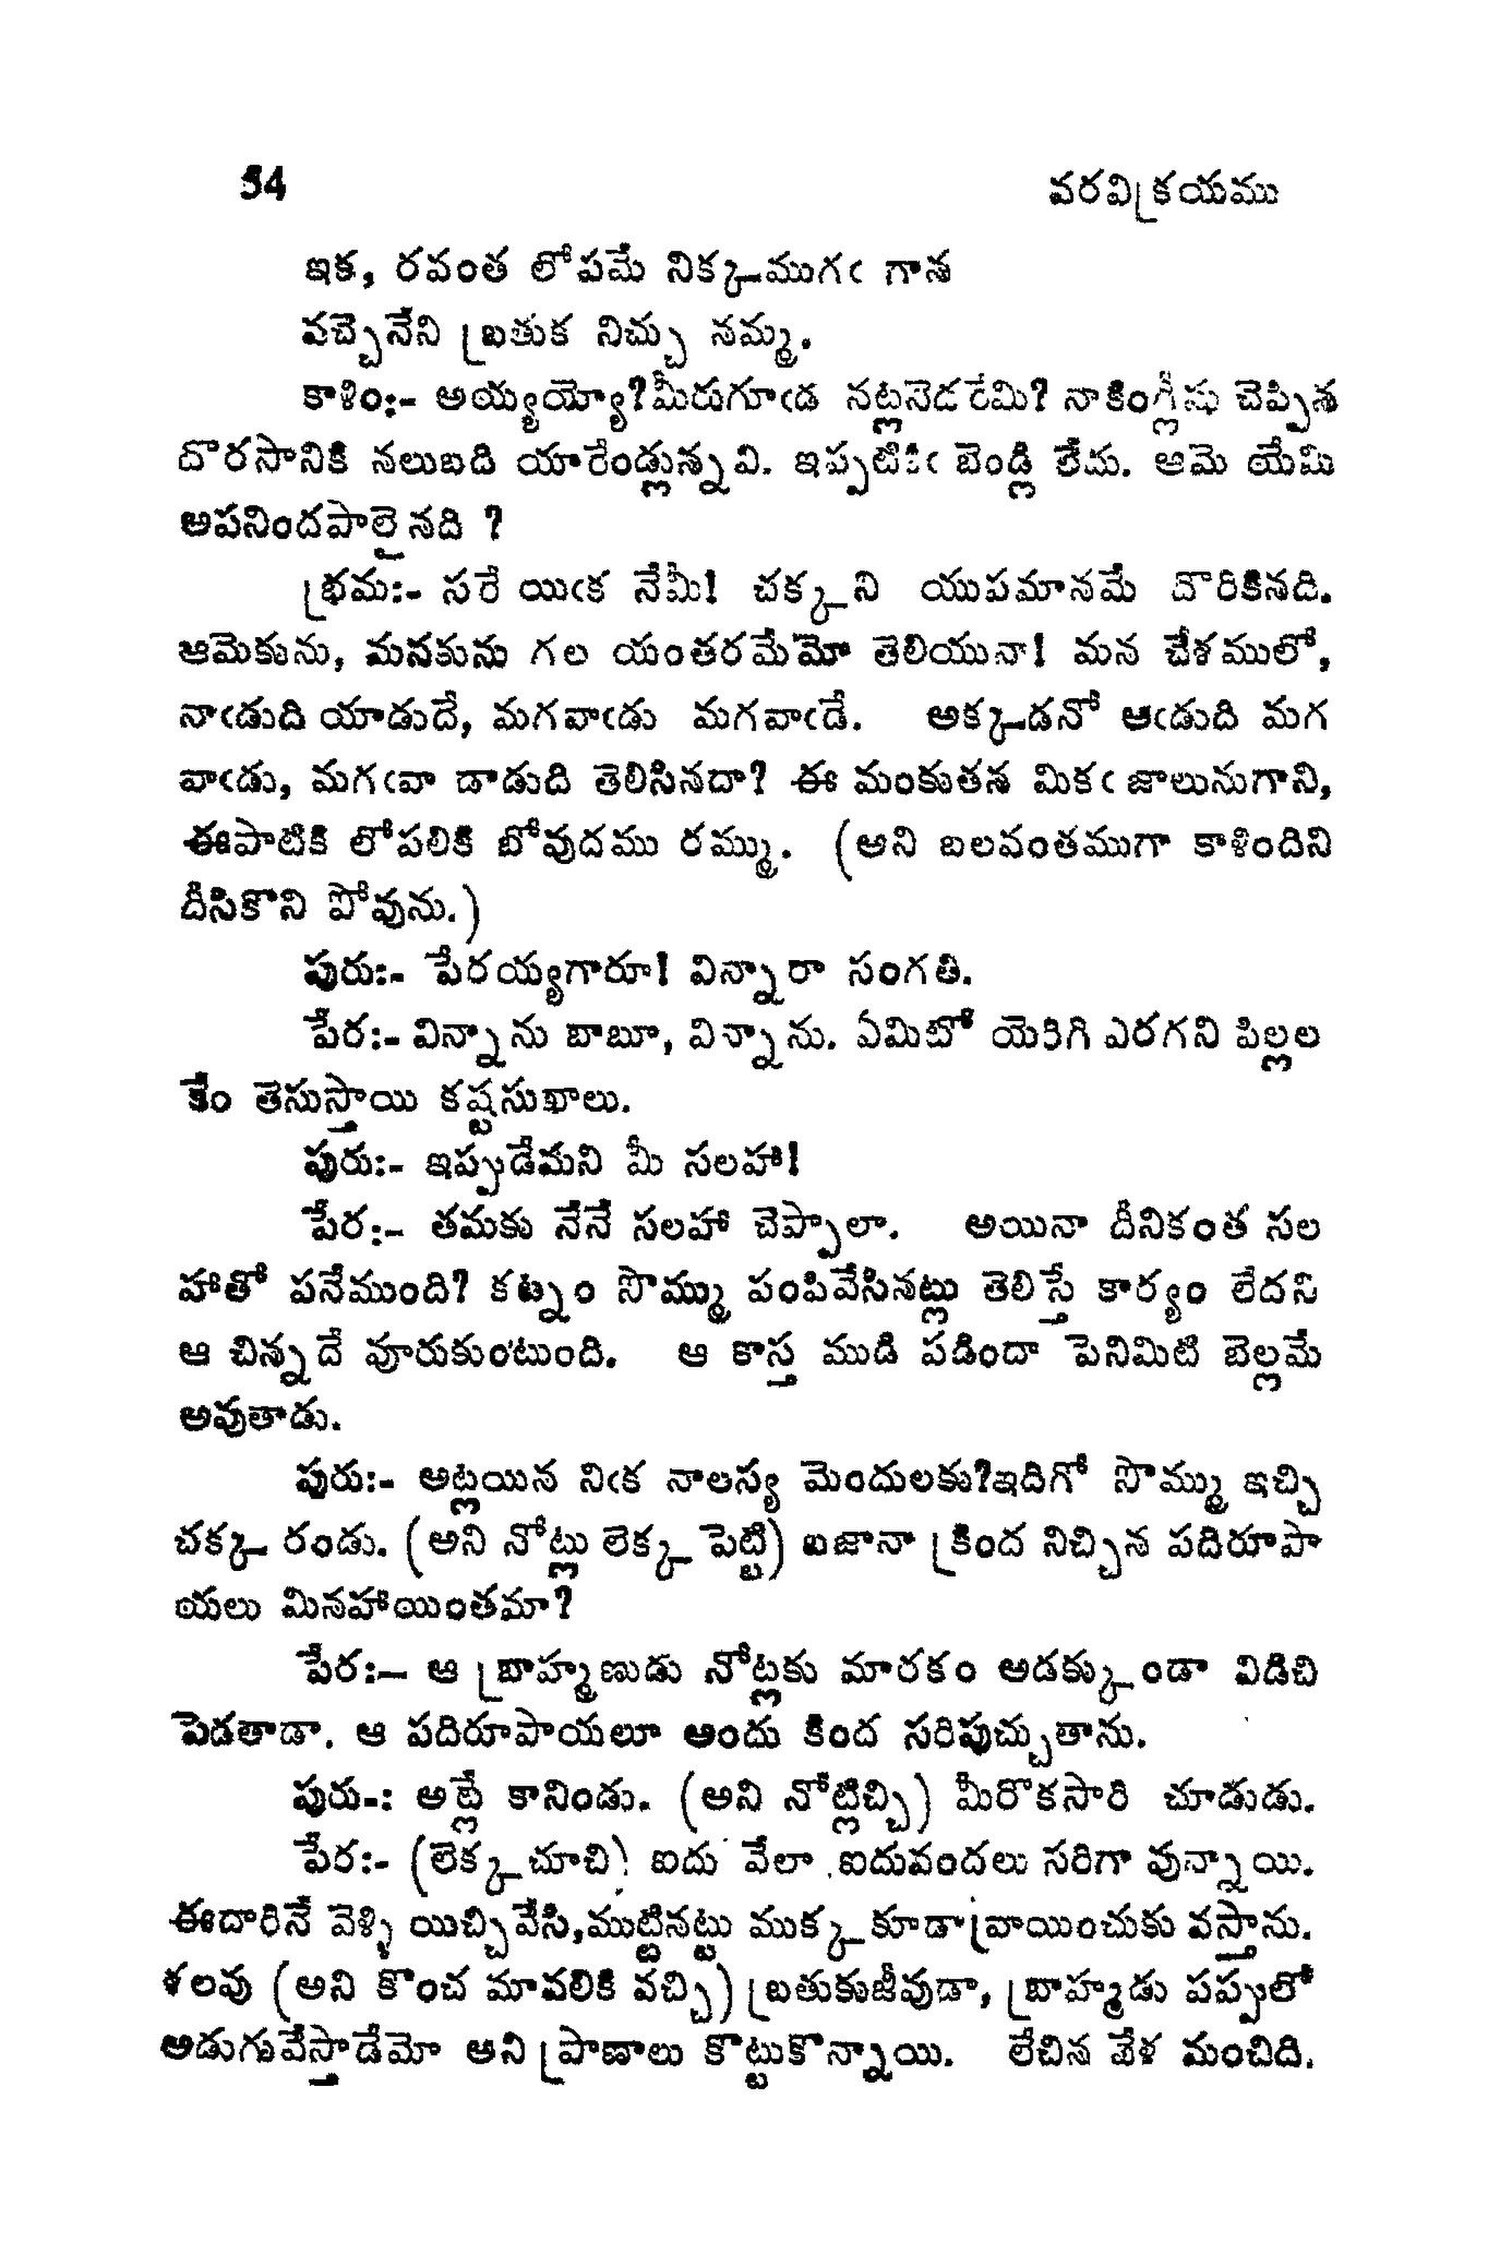ఇక రవంత లోపమే నిక్కముగఁ గాన
 వచ్చెనేని బ్రతుక నిచ్చు నమ్మ.

కాళిం :- అయ్యయ్యో? మీరుగూఁడ నట్లనెదరేమి? నా కింగ్లీషు చెప్పిన దొరసానికి నలుబదియారేండ్లున్నవి. ఇప్పటికిఁ బెండ్లి లేదు. ఆమె యేమి అపనిందలపాలైనది?

భ్రమ :- సరే యిఁక నేమీ! చక్కని యుపమానమే దొరకినది. ఆమెకును మనకును గల యంతరమేమో తెలియునా? మన దేశములో, నాఁడుది యాడుదే, మగవాఁడు మగవాఁడే. అక్కడనో ఆఁడుది మగవాఁడు, మగవాఁ డాడుది. తెలిసినదా? ఈ మంకుతన మిఁకఁ జాలునుగాని, ఈపాటికి లోపలికి బోవుదము రమ్ము. (అని బలవంతముగాఁ కాళిందిని దీసికొని పోవును.)

పురు :- పేరయ్యగారూ, విన్నారా సంగతి?

పేర :- విన్నాను బాబూ, విన్నాను. ఏమిటో యెరిగి ఎరగని పిల్లల కేం తెలుస్తాయి కష్టసుఖాలు.

పురు :- ఇప్పుడేమని మీ సలహా?

పేర :- తమకు నేను సలహా చెప్పాలా. అయినా దీనికంత సలహాతో పనేముంది? కట్నం సొమ్ము పంపివేసినట్లు తెలిస్తే, కార్యం లేదని ఆ చిన్నదే వూరుకుంటుంది. ఆ కాస్త ముడి పడిందా పెనిమిటి బెల్లమే అవుతాడు.

పురు : -అట్లయిన నిఁక నాలస్య మెందులకు? ఇదిగో సొమ్ము ఇచ్చి చక్కరండు. (అని నోట్లు లెక్క పెట్టి) బజానాక్రింద నిచ్చిన పదిరూపాయలు మినహాయింతమా?

పేర :- ఆ బ్రాహ్మణుడు నోట్లకు మారకం అడక్కుండా విడిచిపెడతాడా? ఆ పదిరూపాయలూ అందుక్రింద సరిపుచ్చుతాను.

పురు :- అట్లే కానిండు. (అని నోట్లిచ్చి) మీరొకసారి చూడుడు.

పేర :- (లెక్కచూచి) ఐదు వేలా ఐదువందలు సరిగా వున్నాయి. ఈదారినే వెళ్ళి యిచ్చివేసి, ముట్టినట్టు ముక్కకూడా వ్రాయించుకు వస్తాను. శలవు. (అని కొంచ మావలికి వచ్చి) బ్రతుకుజీవుడా, బ్రాహ్మడు పప్పులో అడుగువేస్తాడేమో అని ప్రాణాలు కొట్టుకొన్నాయి. లేచిన వేళ మంచిది.